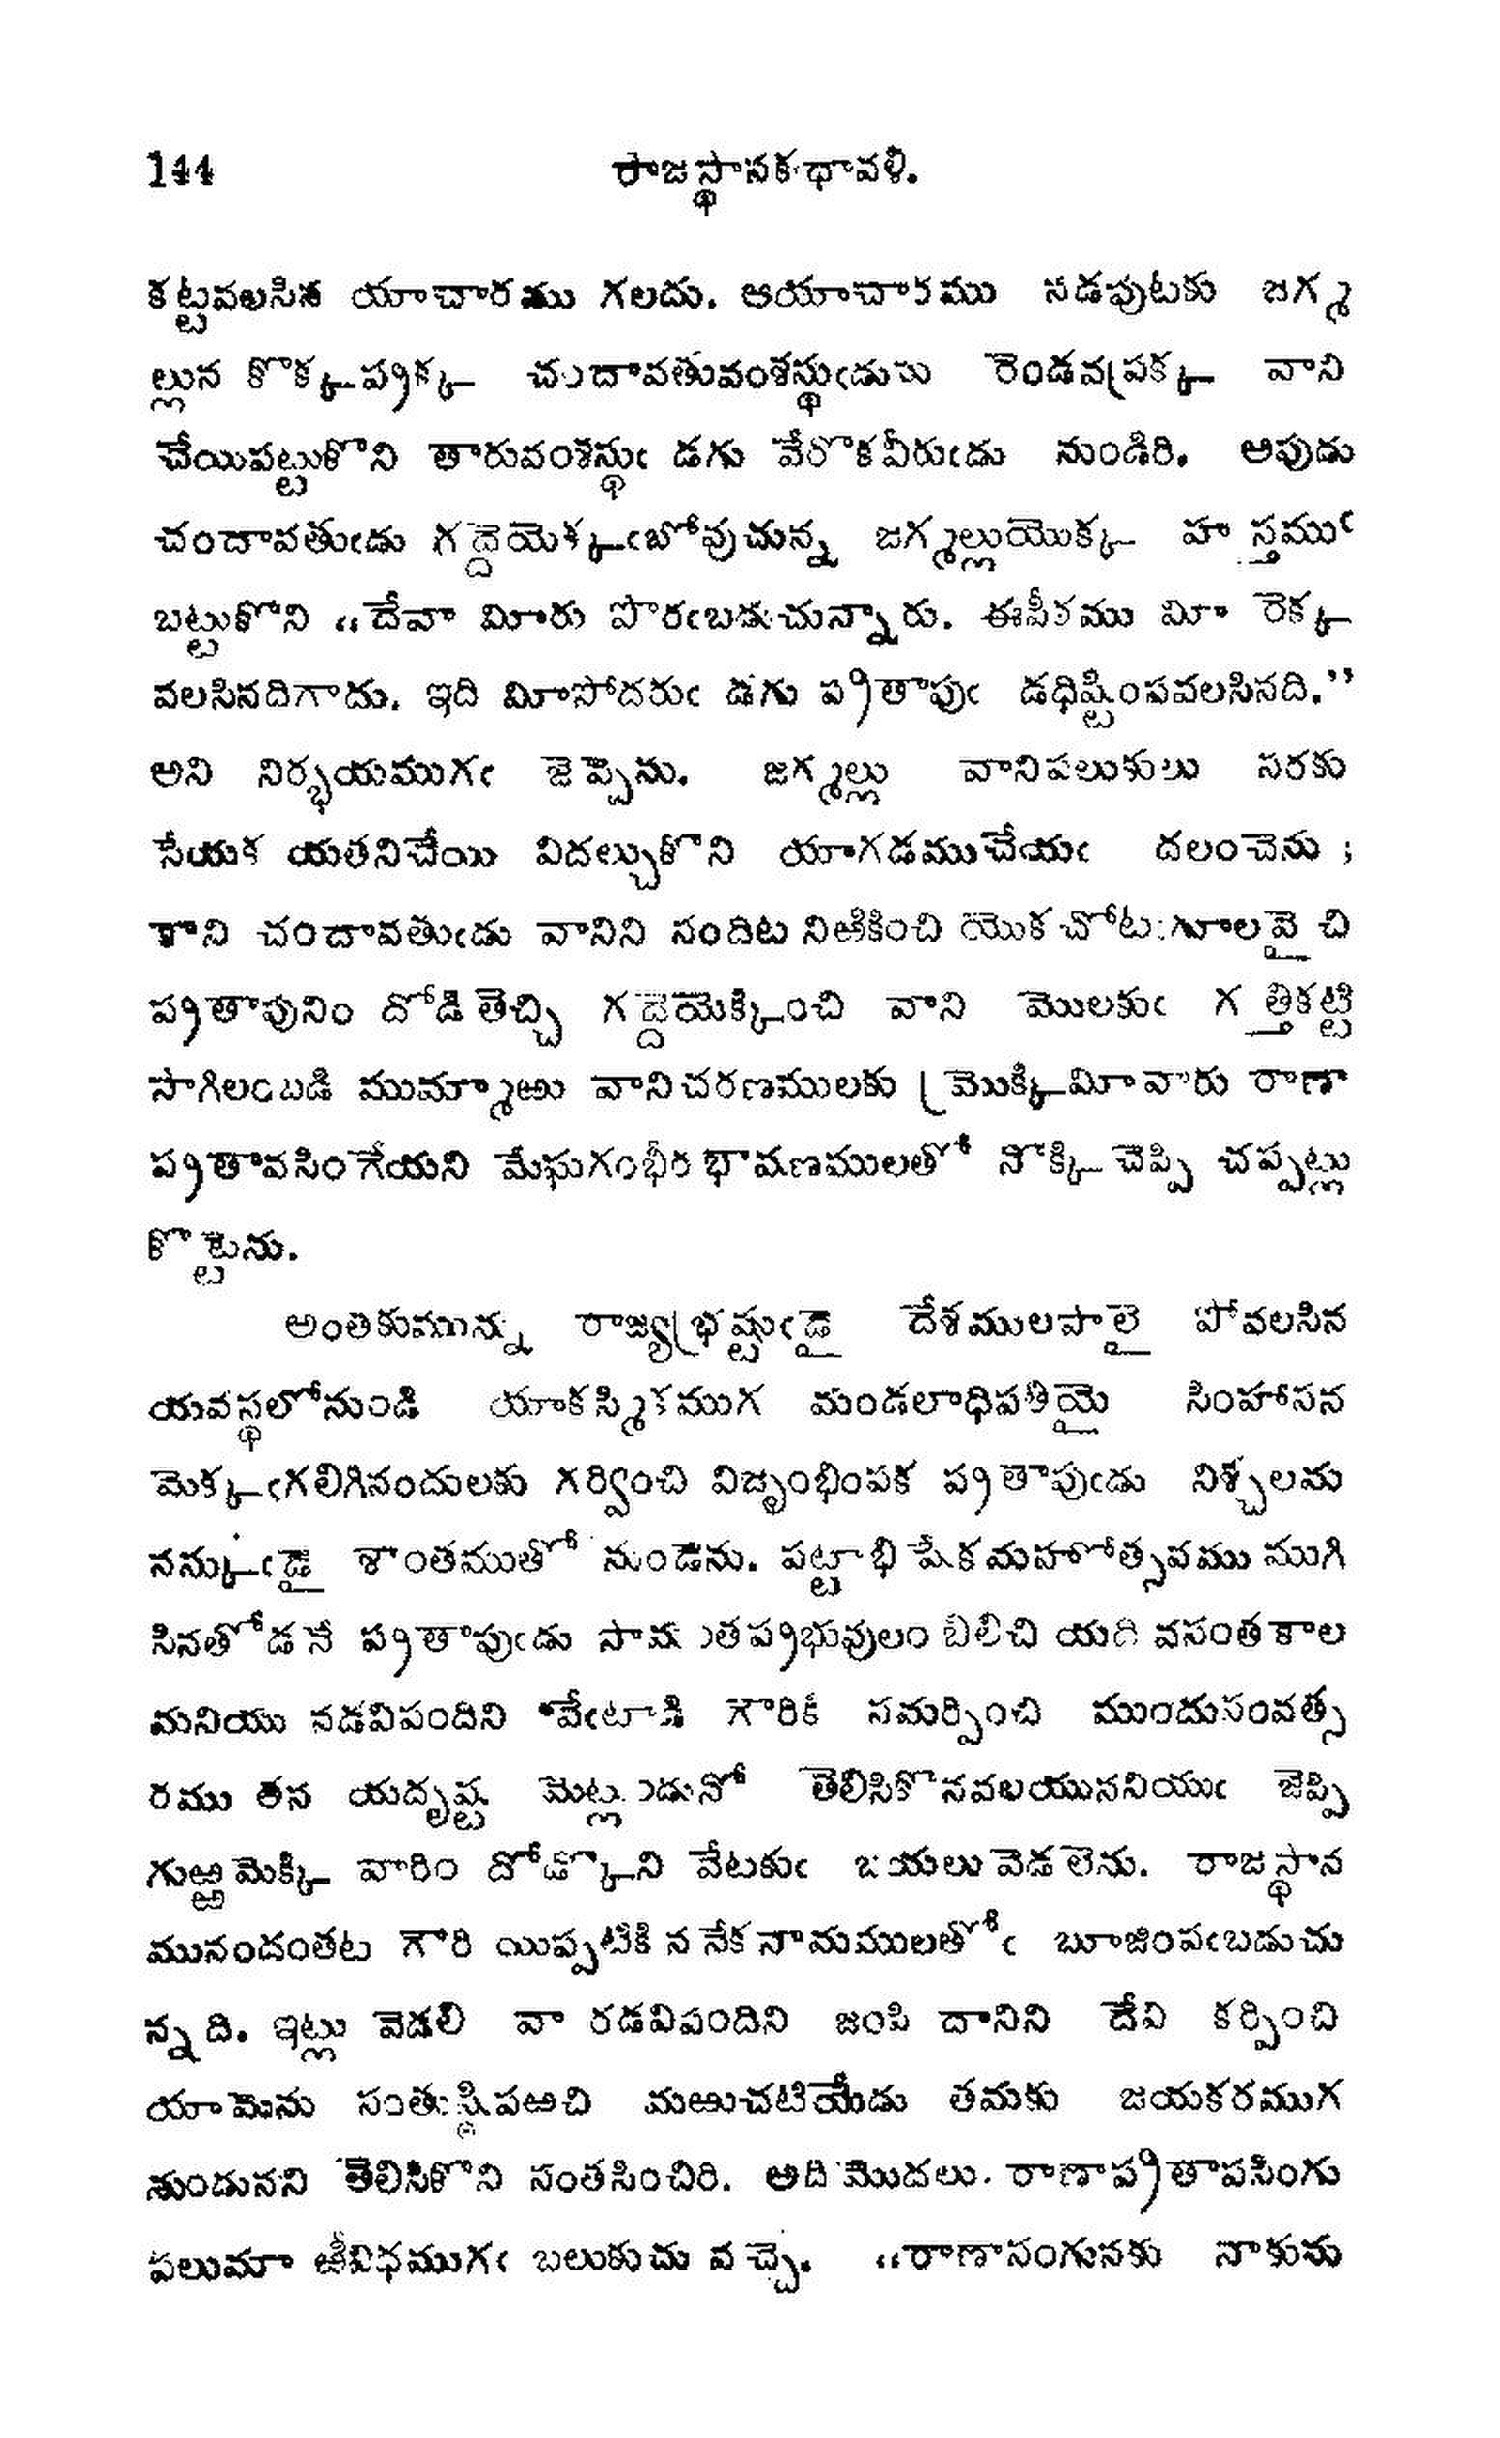కట్టవలసిన యాచారము గలదు. ఆయాచారము నడపుటకు జగ్మల్లున కొక్క పక్క చందావతువంశస్థుఁడును రెండవ ప్రక్క వాని
చేయిపట్టుకొని తారువంశస్థుఁ డగు వేరొక వీరుఁడు నుండిరి. అపుడు చందావతుఁడు గద్దెయెక్కఁబోవుచున్న జగ్మల్లుయొక్క హస్తముఁ
బట్టుకోని "దేవా మీరు పొరఁబడుచున్నారు. ఈ పీఠము మీ రెక్క వలసినదిగాదు. ఇది మాసోదరుఁ డగు ప్రతాపుఁ డధిష్టింపవలసినది.”
అని నిర్భయముగఁ జెప్పెను. జగ్మల్లు వానిపలుకులు సరకు సేయక యతనిచేయి విదల్చుకొని యాగడము చేయఁ దలంచెను; కాని చందావతుఁడు వానిని సందిట నిఱికించి యొకచోట:గూలవై చి ప్రతాపునిం దోడి తెచ్చి గద్దెయెక్కించి వాని మొలకుఁ గత్తికట్టి సాగిలంబడి ముమ్మాఱు వాని చరణములకు మొక్కి మీవారు రాణా ప్రతాపసింగేయని మేఘగంభీర భాషణములతో నొక్కి చెప్పి చప్పట్లు కొట్టెను.

అంతకుమున్న రాజ్యభ్రష్టుఁడై దేశములపాలై పోవలసిన యవస్థలోనుండి యాకస్మికముగ మండలాధిపతియై సింహాసన మెక్కఁగలిగినందులకు గర్వించి విజృంభింపక ప్రతాపుఁడు నిశ్చలమనస్కుఁడై శాంతముతో నుండెను. పట్టాభిషేక మహోత్సవము ముగిసినతోడనే ప్రతాపుఁడు సామంత ప్రభువులం బిలిచి యది వసంత కాలమనియు నడవిపందిని 'వేఁటాడి గౌరికి సమర్పించి ముందుసంవత్సరము తన యదృష్ట మెట్లుండునో తెలిసికొనవలయుననియుఁ జెప్పి గుఱ్ఱమెక్కి వారిం దోడ్కొని వేటకుఁ బయలు వెడలెను. రాజస్థానమునందంతట గౌరి యిప్పటికి ననేక నామములతోఁ బూజింపఁబడుచున్నది. ఇట్లు వెడలి వా రడవిపందిని జంపి దానిని దేవి కర్పించి యామెను సంతుష్టిపఱచి మఱుచటియేడు తమకు జయకరముగ నుండునని తెలిసికొని సంతసించిరి. అది మొదలు రాణాప్రతాపసింగు పలుమా ఱీవిధముగఁ బలుకుచు వచ్చె. "రాణా సంగునకు నాకును